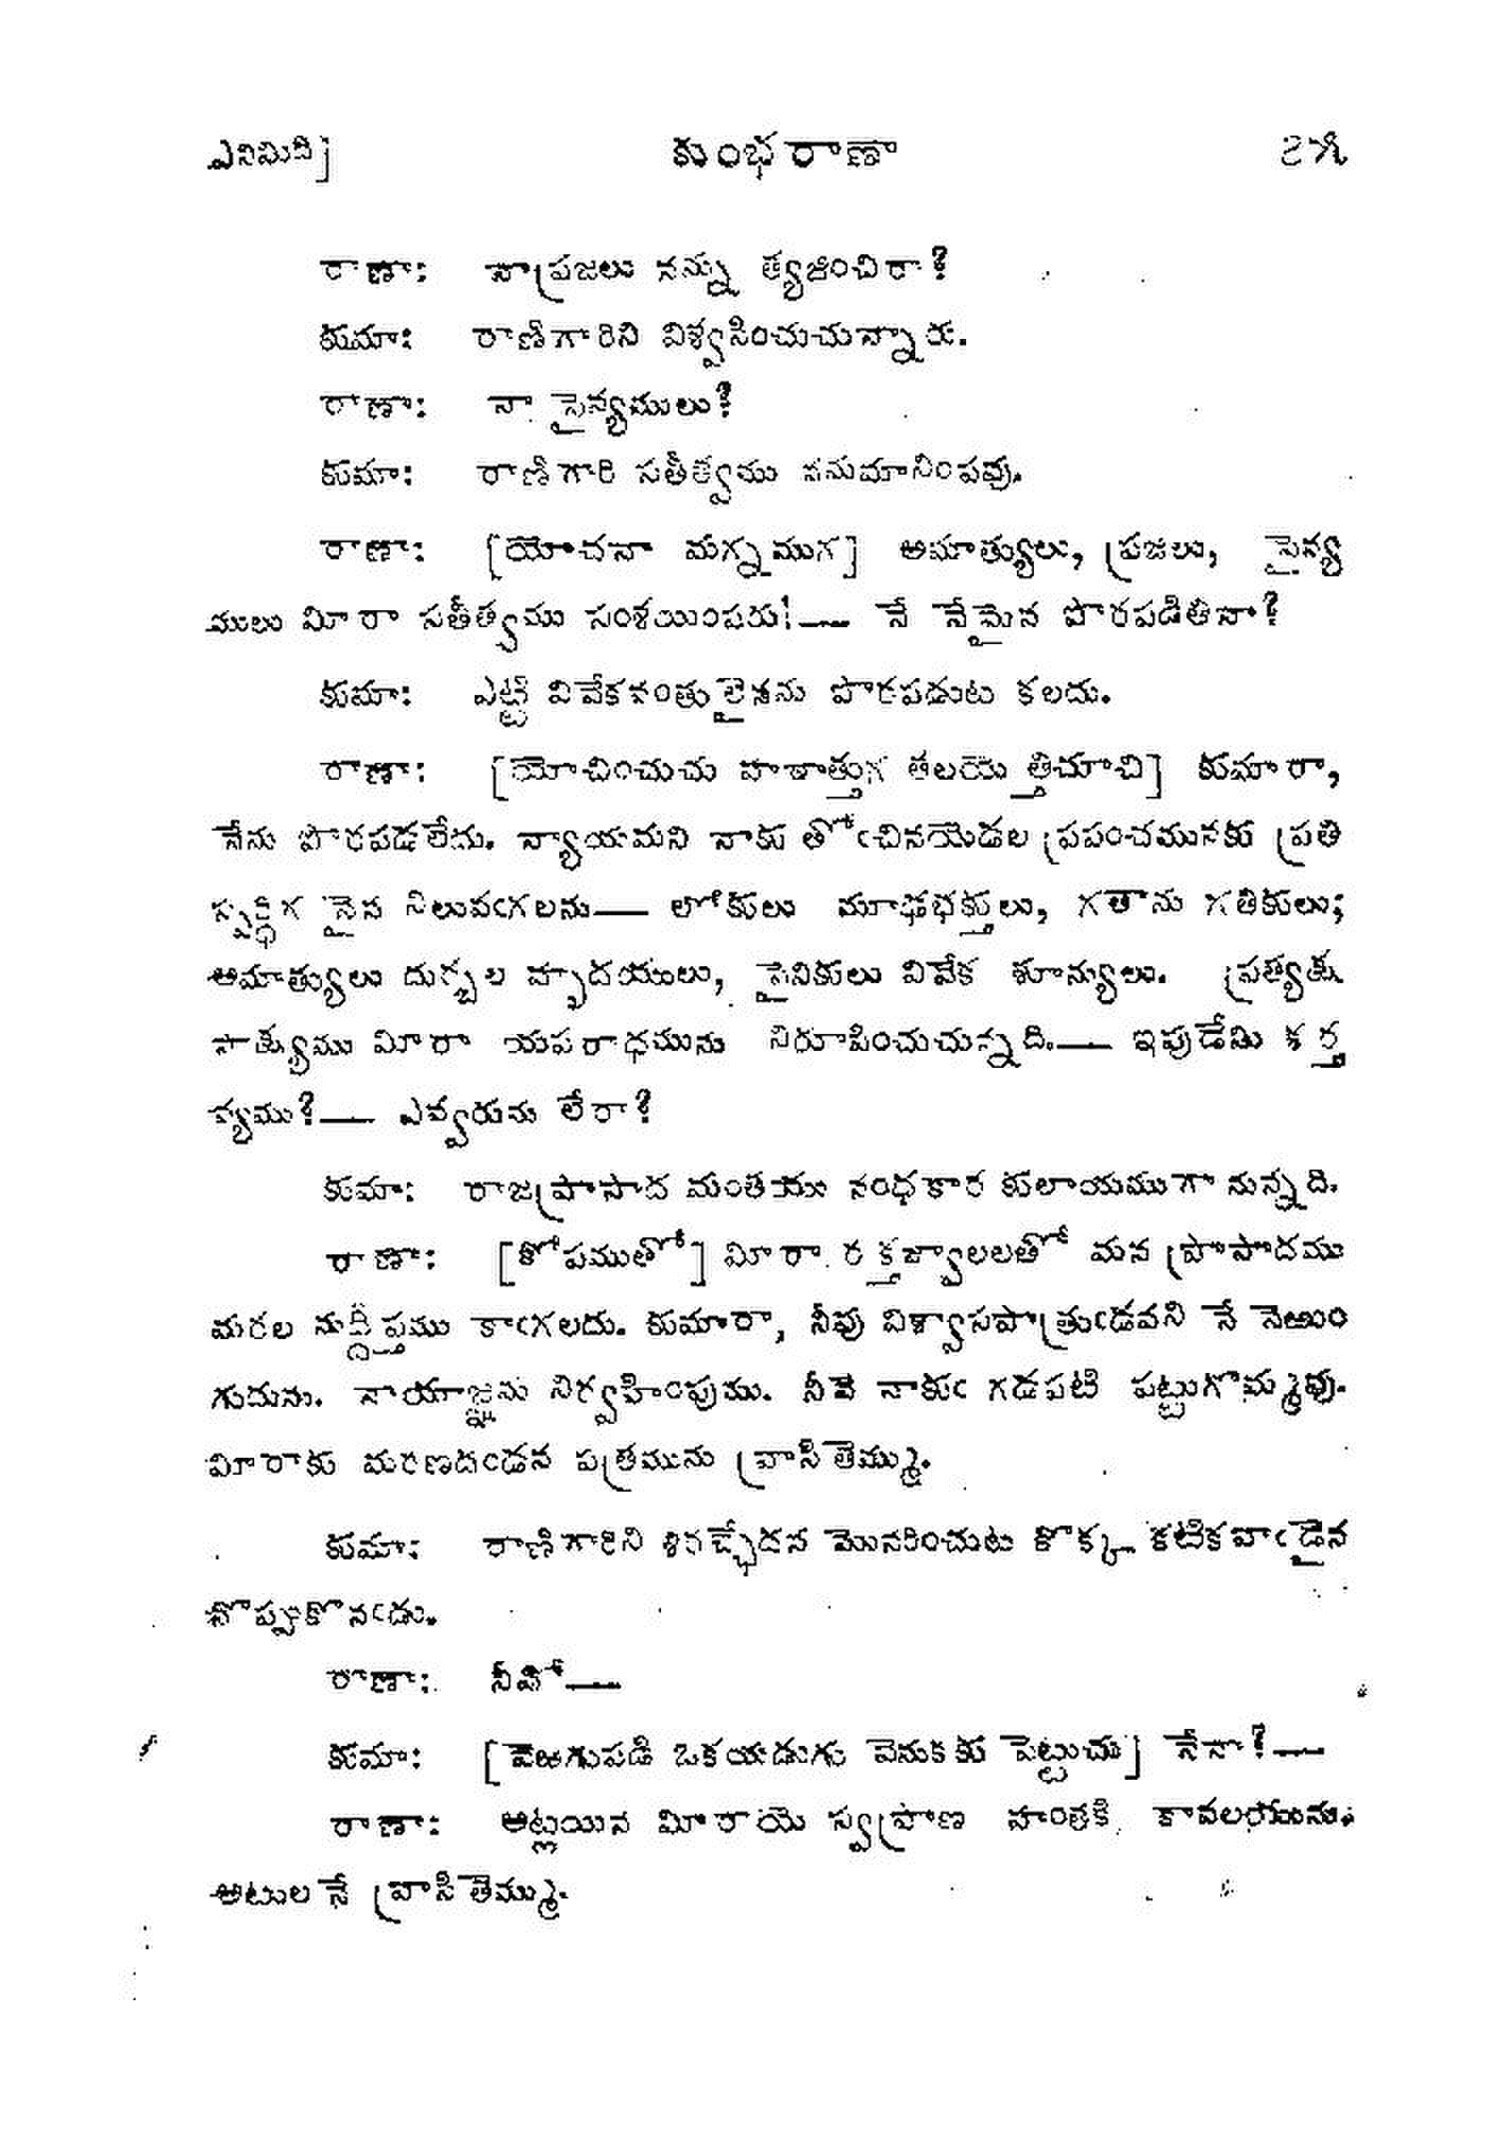రాణా : నాప్రజలు నన్ను త్యజించిరా ?

కుమా : రాణిగారిని విశ్వసించుచున్నారు.

రాణా : నా సైన్యములు?

కుమా : రాణిగారి సతీత్వము ననుమానింపవు.

రాణా : [యోచనా మగ్నముగ] అమాత్యులు, ప్రజలు, సైన్యములు మీరా సతీత్వము సంశయింపరు ! - నే నేమైన పొరపడితినా ?

కుమా : ఎట్టి వివేకవంతులైనను పొరపడుట కలదు.

రాణా : [యోచించుచు హఠాత్తుగ తలయెత్తిచూచి] కుమారా, నేను పొరపడలేదు. న్యాయమని నాకు తోఁచినయెడల ప్రపంచమునకు ప్రతి స్పర్ధిగ నైన నిలువఁగలను - లోకులు మూఢభక్తులు, గతాను గతికులు; అమాత్యులు దుర్బల హృదయులు, సైనికులు వివేక శూన్యులు. ప్రత్యక్ష సాక్ష్యము మీరా యపరాధమును నిరూపించుచున్నది. - ఇపుడేమి కర్తవ్యము ? - ఎవ్వరును లేరా ?

కుమా : రాజప్రసాద మంతయు నంధకార కులాయముగా నున్నది.

రాణా : [కోపముతో] మీరా రక్తజ్వాలలతో మన ప్రాసాదము మరల నుద్దీప్తము కాఁగలదు. కుమారా, నీవు విశ్వాసపాత్రుఁడవని నే నెఱుంగుదును. నాయాజ్ఞను నిర్వహింపుము. నీవె నాకుఁ గడపటి పట్టుగొమ్మవు. మీరాకు మరణదండన పత్రమును వ్రాసితెమ్ము.

కుమా : రాణిగారిని శిరచ్ఛేదన మొనరించుట కొక్క కటికవాఁడైన నొప్పుకొనఁడు.

రాణా : నీవో -

కుమా : [వెఱగుపడి ఒకయడుగు వెనుకకు పెట్టుచు] నేనా? -

రాణా : అట్లయిన మీరాయె స్వప్రాణ హంతకి కావలయును. అటులనే వ్రాసితెమ్ము.